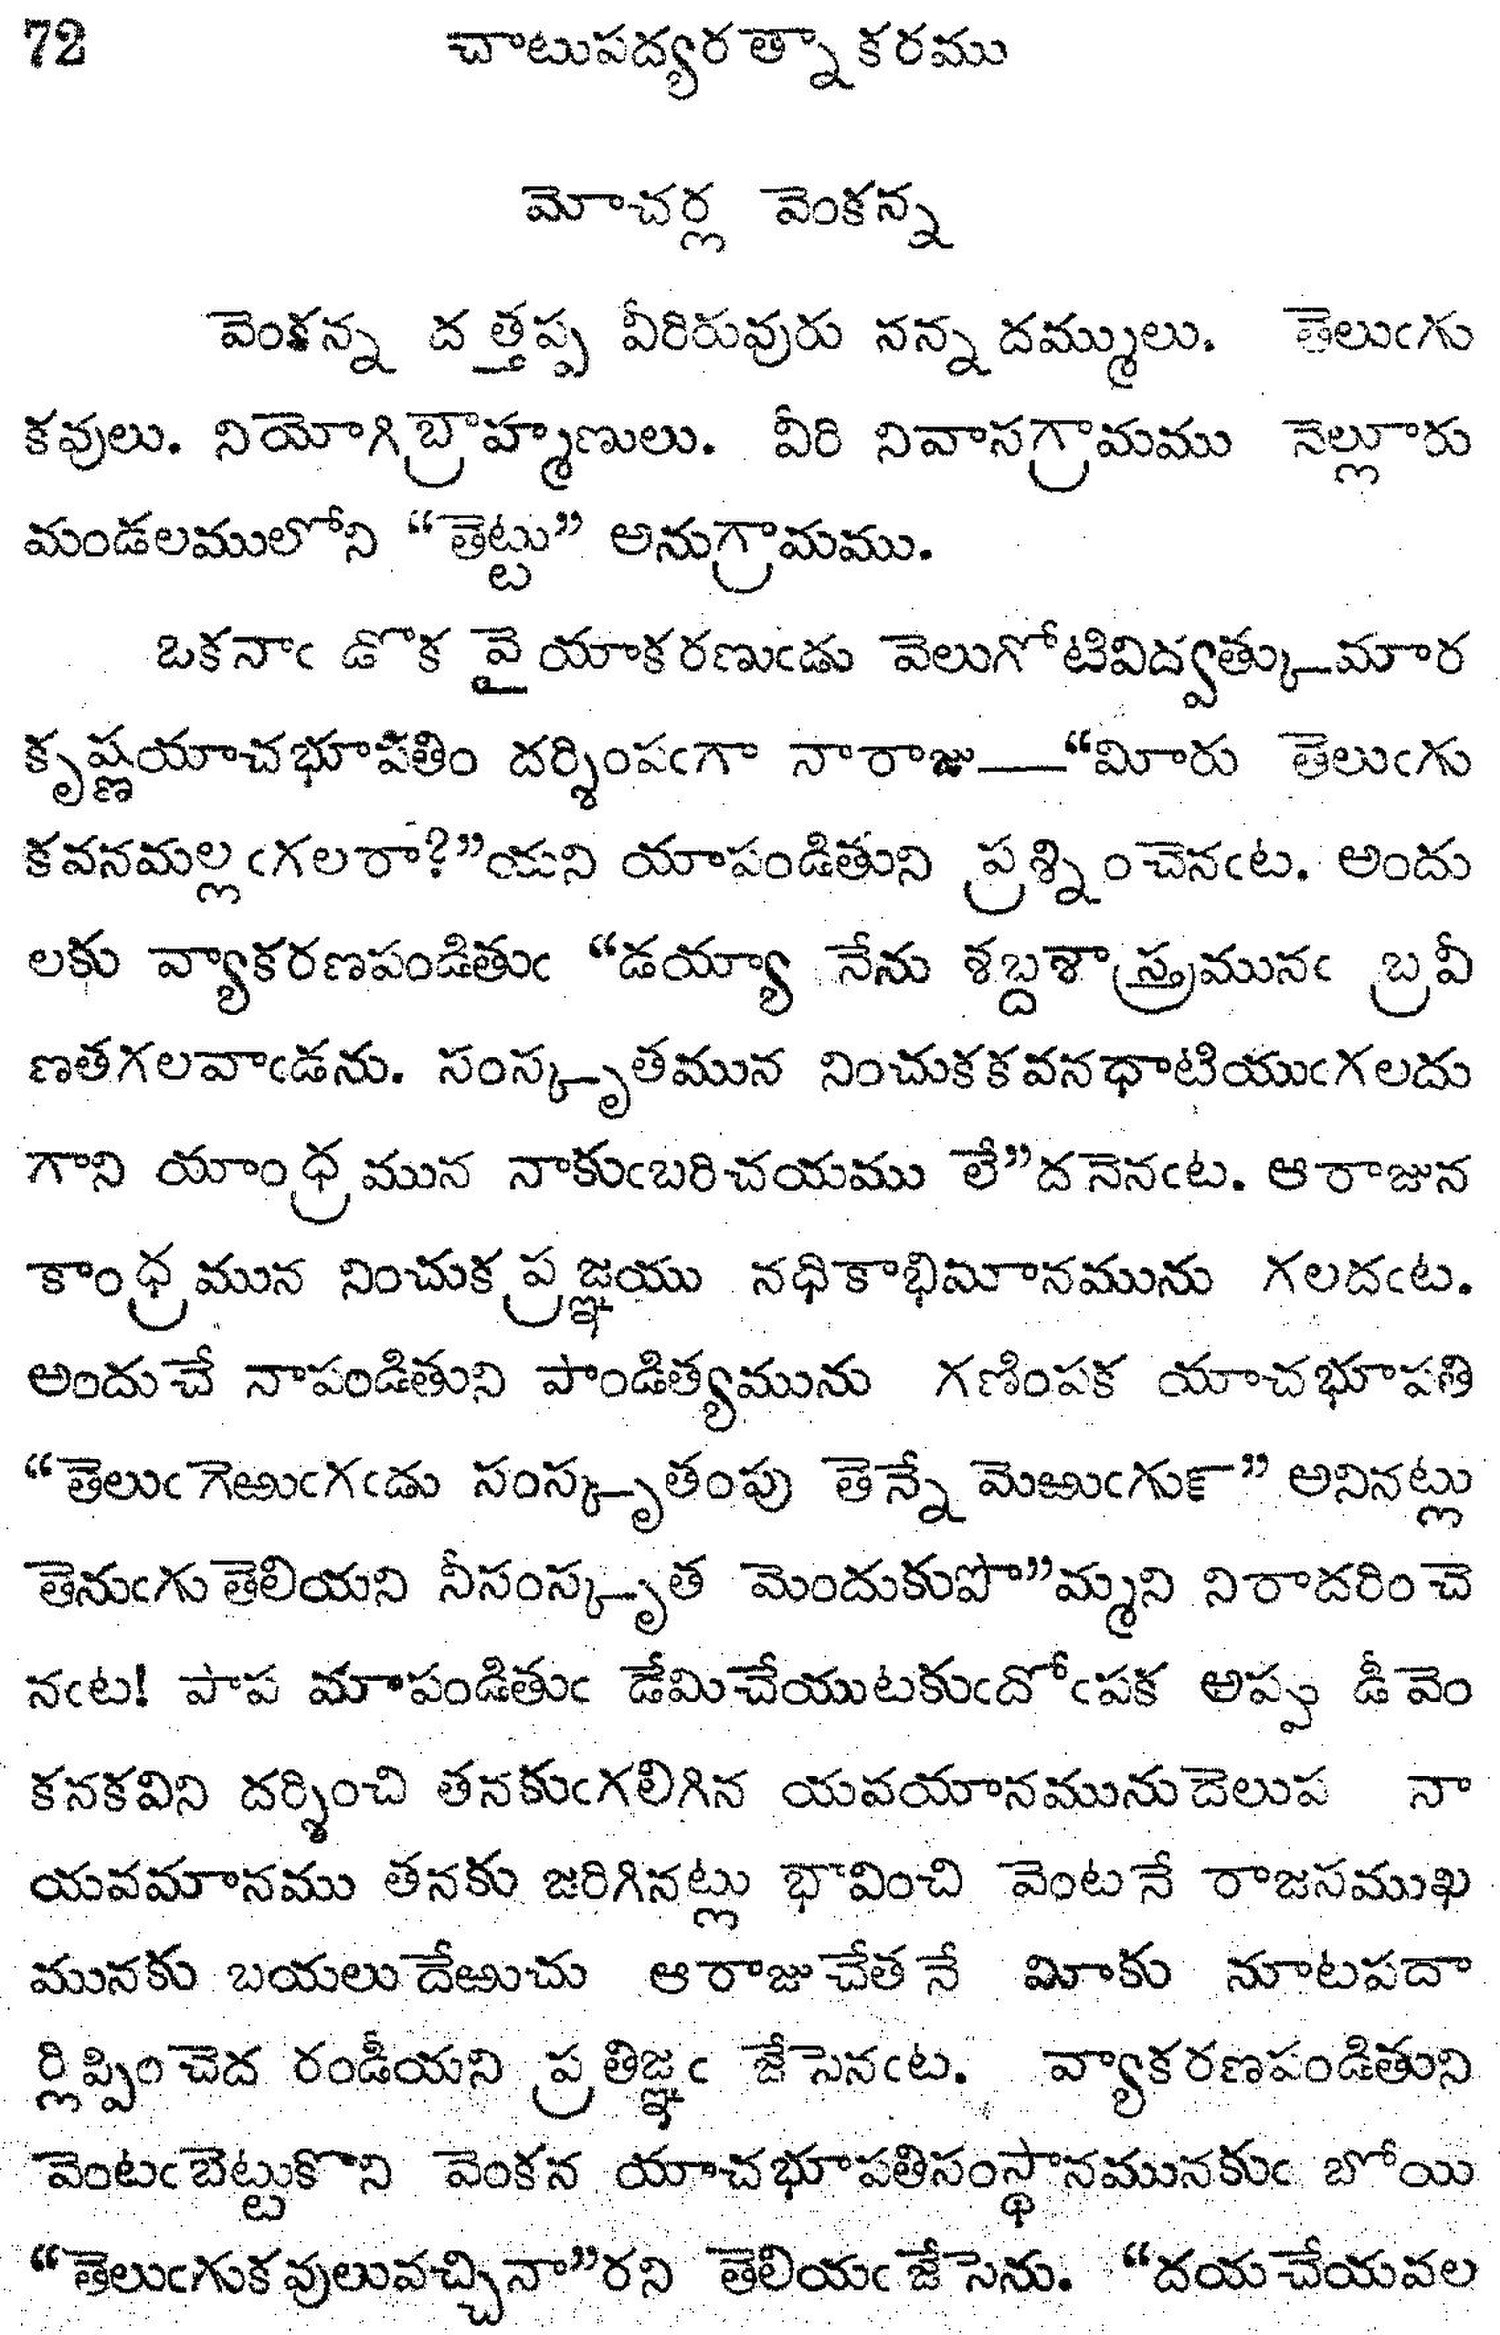వెంకన్న దత్తప్ప వీరిరువురు నన్నదమ్ములు. తెలుఁగు కవులు. నియోగిబ్రాహ్మణులు. వీరి నివాసగ్రామము నెల్లూరుమండలములోని “తెట్టు” అను గ్రామము.

ఒకనాఁ డొక వైయాకరణుఁడు వెలుగోటి విద్వత్కుమారకృష్ణయాచభూపతిం దర్శింపఁగా నారాజు— “మీరు తెలుఁగు కవన మల్లఁగలరా?” యని యాపండితుని ప్రశ్నించెనఁట. అందులకు వ్యాకరణపండితుఁ “డయ్యా నేను శబ్దశాస్త్రమునఁ బ్రవీణతగలవాఁడను. సంస్కృతమున నించుకకవనధాటియుఁ గలదు గాని యాంధ్రమున నాకుఁ బరిచయము లే”దనెనఁట. ఆరాజున కాంధ్రమున నించుకప్రజ్ఞయు నధికాభిమానమును గలదఁట. అందుచే నాపండితుని పాండిత్యమును గణింపక యాచభూపతి “తెలుఁ గెఱుఁగఁడు సంస్కృతంపు తెన్నే మెఱుఁగున్ అనినట్లు తెనుఁగు తెలియని నీసంస్కృత మెందుకు పొ”మ్మని నిరాదరించెనఁట! పాప మాపండితుఁ డేమిచేయుటకుఁ దోఁపక అప్పు డీవెంకనకవిని దర్శించి తనకుఁ గలిగిన యవమానమును దెలుప నాయవమానము తనకు జరిగినట్లు భావించి వెంటనే రాజసముఖమునకు బయలుదేఱుచు ఆరాజుచేతనే మీకు నూటపదా ర్లిప్పించెద రండీ యని ప్రతిజ్ఞఁ జేసెనఁట. వ్యాకరణపండితుని వెంటఁబెట్టుకొని వెంకన యాచభూపతిసంస్థానమునకుఁ బోయి “తెలుఁగుకవులు వచ్చినా”రని తెలియఁజేసెను. “దయచేయవల